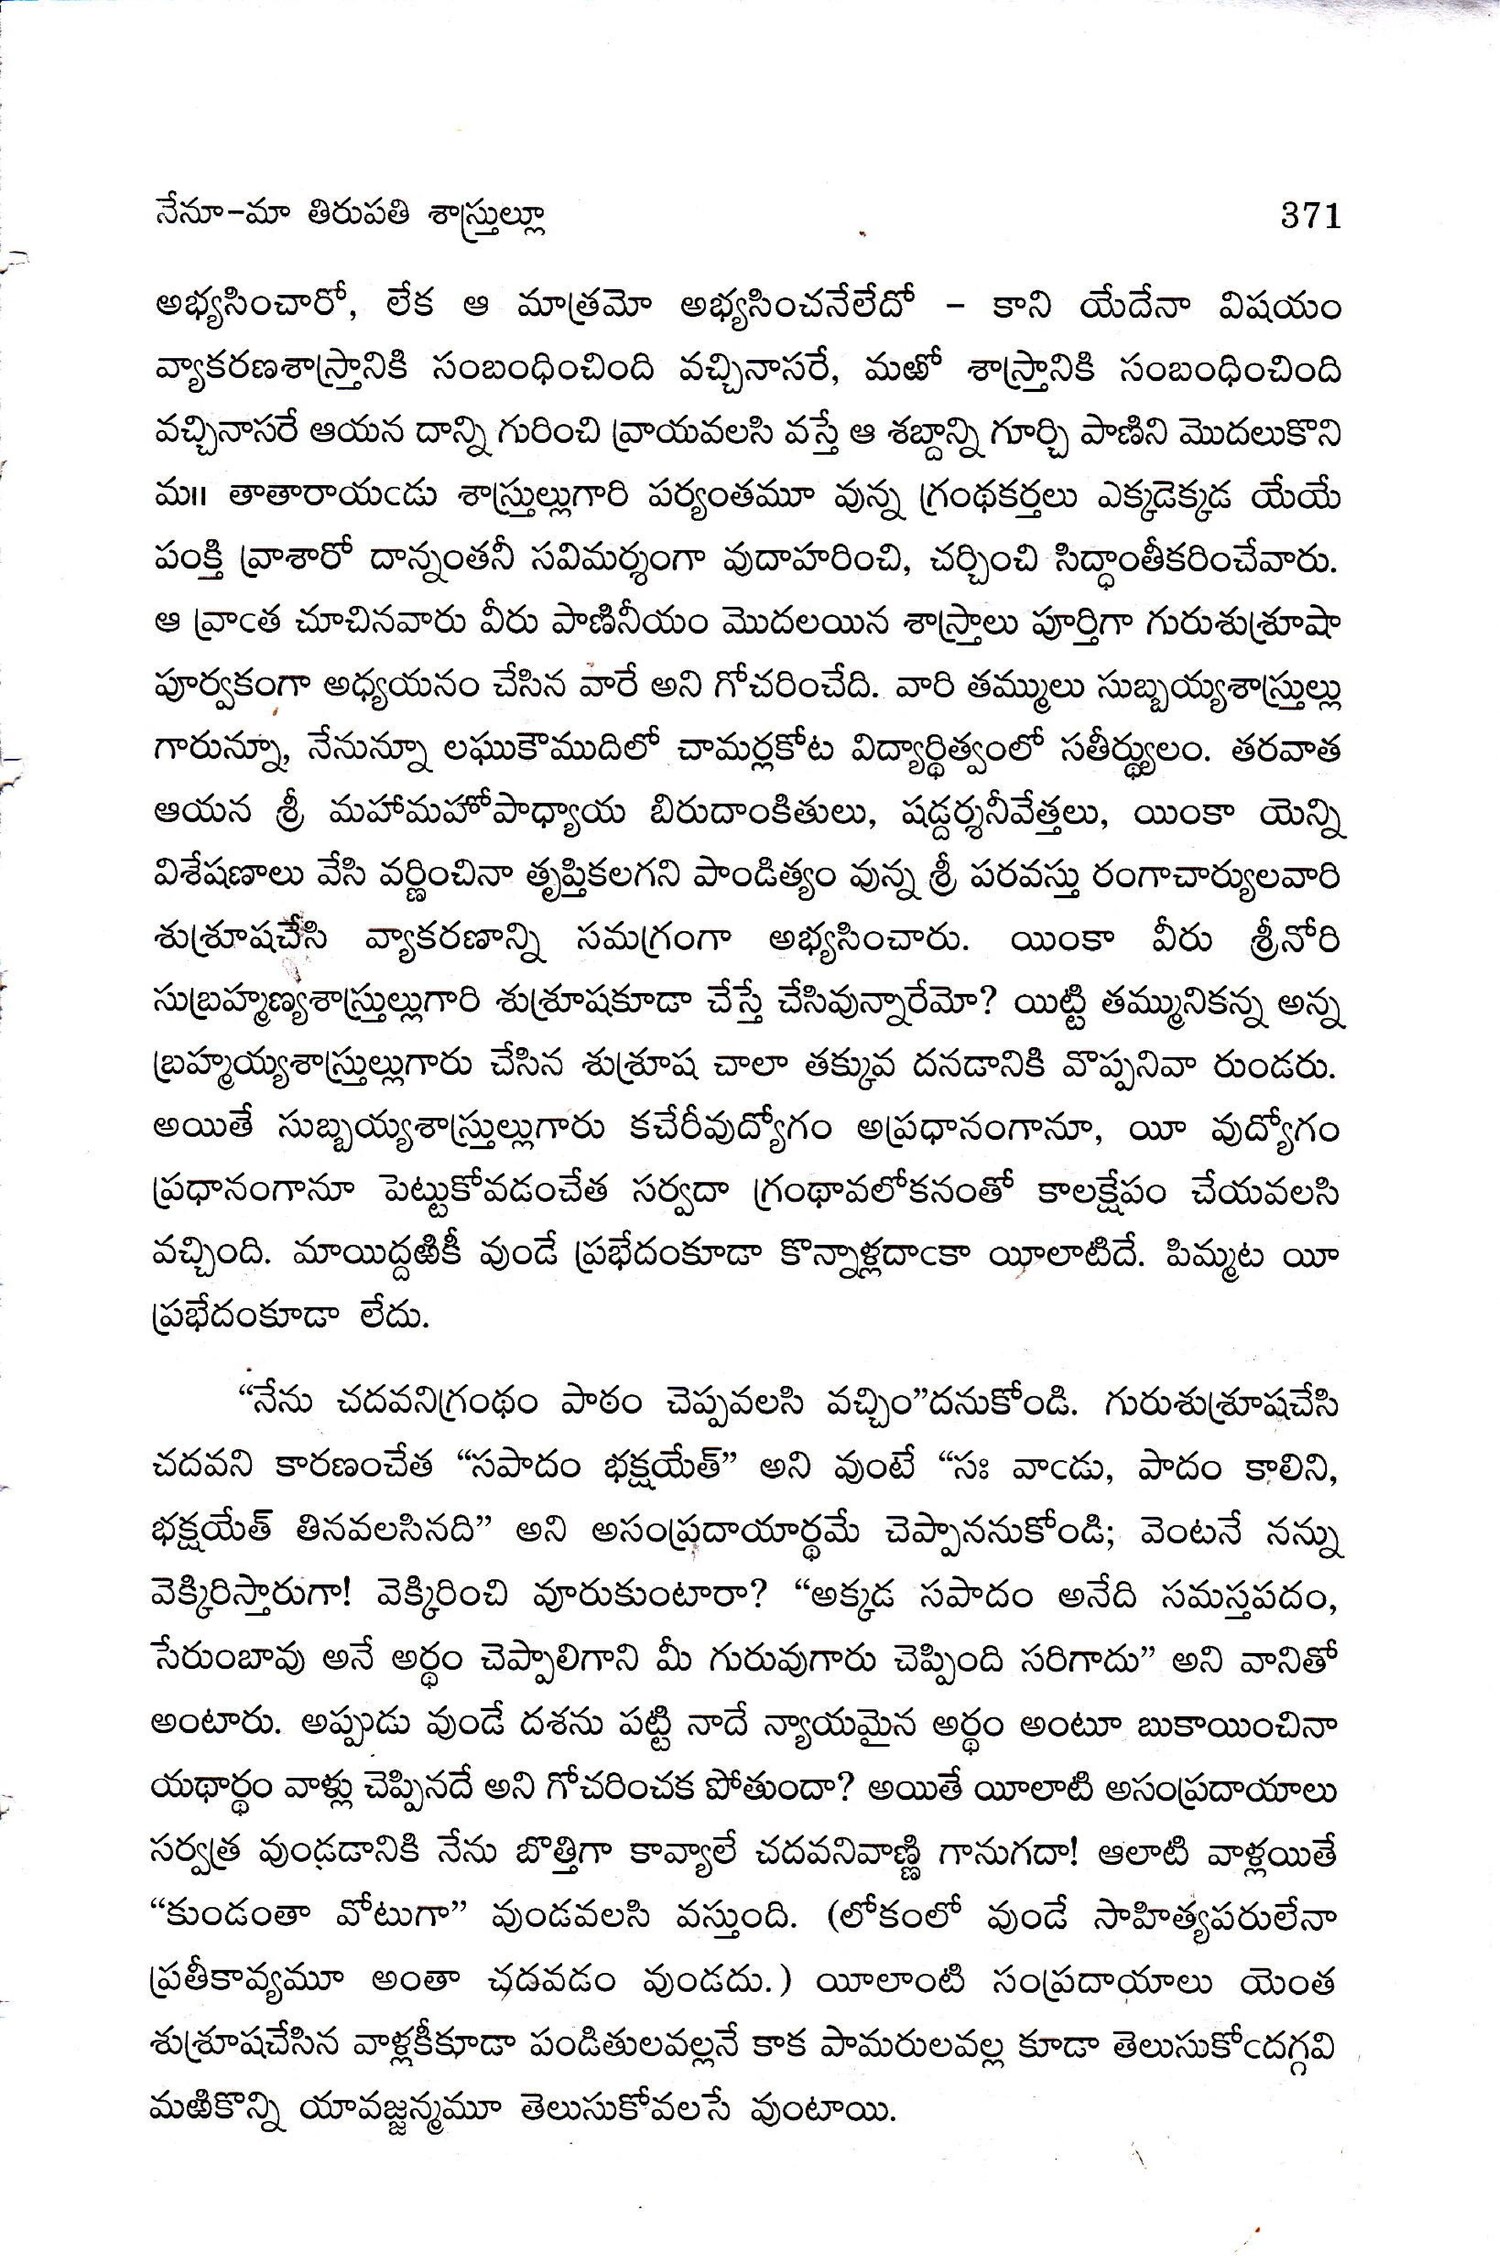అభ్యసించారో, లేక ఆ మాత్రమో అభ్యసించనేలేదో - కాని యేదేనా విషయం వ్యాకరణశాస్త్రానికి సంబంధించింది వచ్చినాసరే, మఱో శాస్త్రానికి సంబంధించింది వచ్చినాసరే ఆయన దాన్ని గురించి వ్రాయవలసి వస్తే ఆ శబ్దాన్ని గూర్చి పాణిని మొదలుకొని మII తాతారాయఁడు శాస్త్రుల్లుగారి పర్యంతమూ వున్న గ్రంథకర్తలు ఎక్కడెక్కడ యేయే పంక్తి వ్రాశారో దాన్నంతనీ సవిమర్శంగా వుదాహరించి, చర్చించి సిద్ధాంతీకరించేవారు. ఆ వ్రాఁత చూచినవారు వీరు పాణినీయం మొదలయిన శాస్త్రాలు పూర్తిగా గురుశుశ్రూషా పూర్వకంగా అధ్యయనం చేసిన వారే అని గోచరించేది. వారి తమ్ములు సుబ్బయ్యశాస్త్రుల్లు గారున్నూ, నేనున్నూ లఘుకౌముదిలో చామర్లకోట విద్యార్ధిత్వంలో సతీర్థ్యులం. తరవాత ఆయన శ్రీ మహామహోపాధ్యాయ బిరుదాంకితులు, షడ్దర్శనీవేత్తలు, యింకా యెన్ని విశేషణాలు వేసి వర్ణించినా తృప్తికలగని పాండిత్యం వున్న శ్రీ పరవస్తు రంగాచార్యులవారి శుశ్రూషచేసి వ్యాకరణాన్ని సమగ్రంగా అభ్యసించారు. యింకా వీరు శ్రీనోరి సుబ్రహ్మణ్యశాస్త్రుల్లుగారి శుశ్రూషకూడా చేస్తే చేసివున్నారేమో? యిట్టి తమ్మునికన్న అన్న బ్రహ్మయ్యశాస్త్రుల్లుగారు చేసిన శుశ్రూష చాలా తక్కువ దనడానికి వొప్పనివా రుండరు. అయితే సుబ్బయ్యశాస్త్రుల్లుగారు కచేరీవుద్యోగం అప్రధానంగానూ, యీ వుద్యోగం ప్రధానంగానూ పెట్టుకోవడంచేత సర్వదా గ్రంథావలోకనంతో కాలక్షేపం చేయవలసి వచ్చింది. మాయిద్దఱికీ వుండే ప్రభేదంకూడా కొన్నాళ్లదాఁకా యీలాటిదే. పిమ్మట యీ ప్రభేదంకూడా లేదు.

"నేను చదవనిగ్రంథం పాఠం చెప్పవలసి వచ్చిందనుకోండి. గురుశుశ్రూషచేసి చదవని కారణంచేత "సపాదం భక్షయేత్ అని వుంటే "సః వాఁడు, పాదం కాలిని, భక్షయేత్ తినవలసినది” అని అసంప్రదాయార్ధమే చెప్పాననుకోండి; వెంటనే నన్ను వెక్కిరిస్తారుగా! వెక్కిరించి వూరుకుంటారా? “అక్కడ సపాదం అనేది సమస్తపదం, సేరుంబావు అనే అర్థం చెప్పాలిగాని మీ గురువుగారు చెప్పింది సరిగాదు" అని వానితో అంటారు. అప్పుడు వుండే దశను పట్టి నాదే న్యాయమైన అర్థం అంటూ బుకాయించినా యథార్థం వాళ్లు చెప్పినదే అని గోచరించక పోతుందా? అయితే యీలాటి అసంప్రదాయాలు సర్వత్ర వుండడానికి నేను బొత్తిగా కావ్యాలే చదవనివాణ్ణి గానుగదా! ఆలాటి వాళ్లయితే “కుండంతా వోటుగా" వుండవలసి వస్తుంది. (లోకంలో వుండే సాహిత్యపరులేనా ప్రతీకావ్యమూ అంతా చదవడం వుండదు.) యీలాంటి సంప్రదాయాలు యెంత శుశ్రూషచేసిన వాళ్లకీకూడా పండితులవల్లనే కాక పామరులవల్ల కూడా తెలుసుకోఁదగ్గవి మఱికొన్ని యావజ్జన్మమూ తెలుసుకోవలసే వుంటాయి.